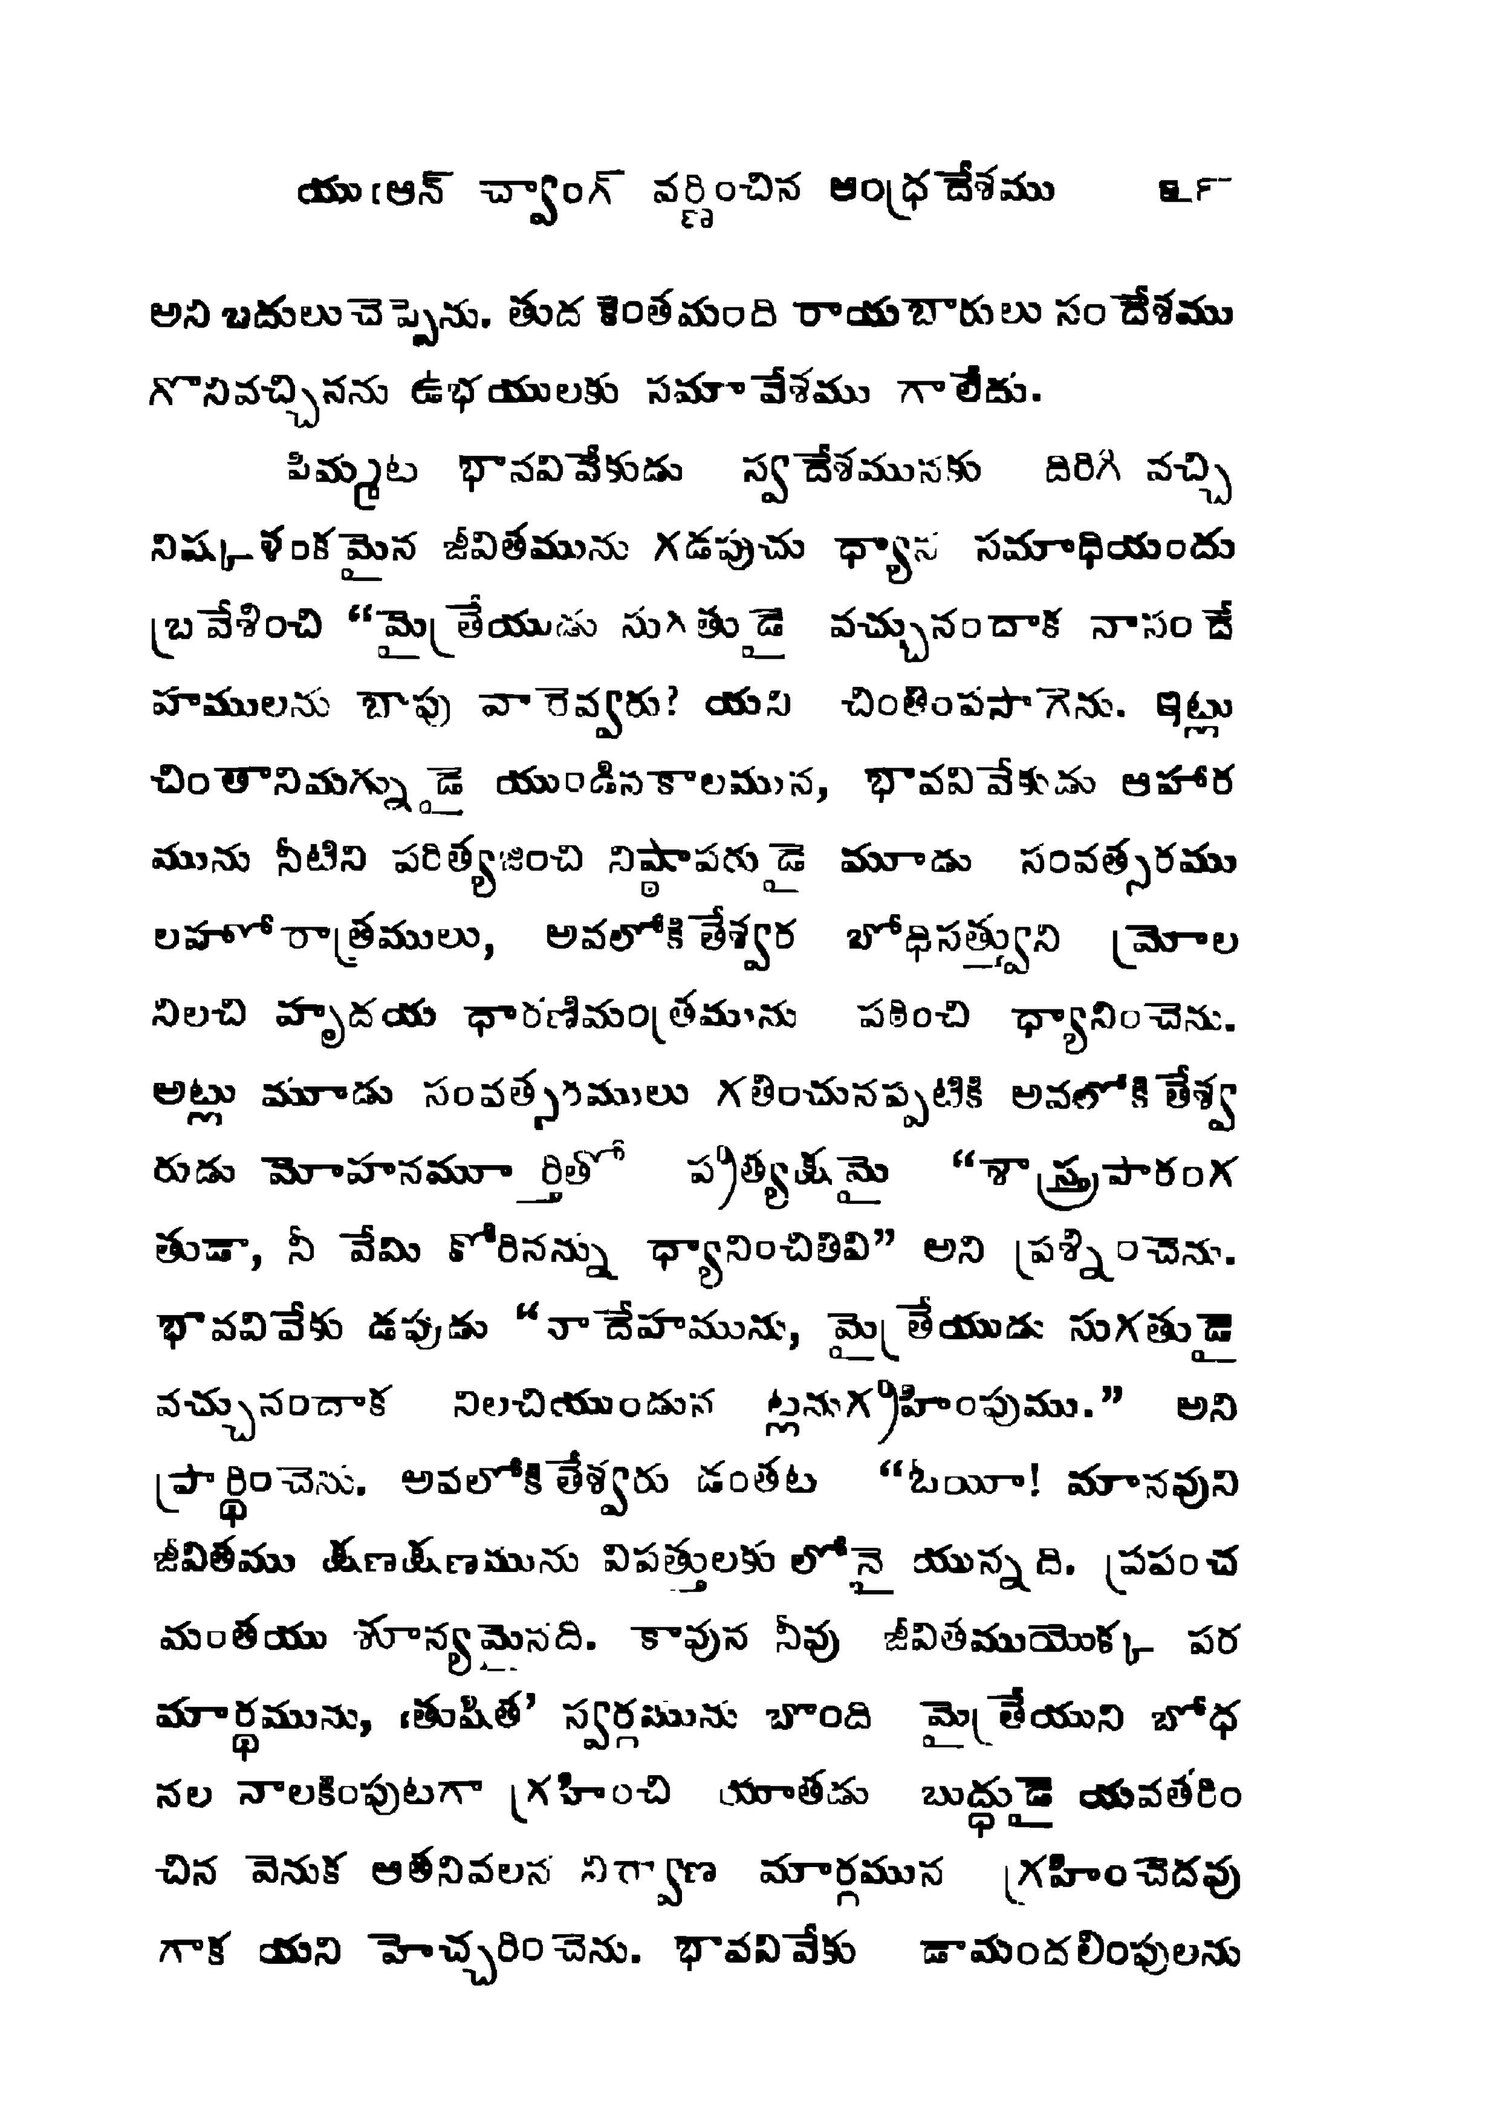అని బదులు చెప్పెను. తుద కెంతమంది రాయబారులు సందేశము గొనివచ్చినను ఉభయులకు సమావేశము గాలేదు.

పిమ్మట భావవివేకుడు స్వదేశమునకు దిరిగి వచ్చి నిష్కళంకమైన జీవితమును గడపుచు ధ్యాన సమాధియందు బ్రవేశించి "మైత్రేయుడు సుగతుడై వచ్చునందాక నాసందేహములను బాపు వారెవ్వరు? యని చింతింపసాగెను. ఇట్లు చింతానిమగ్నుడై యుండిన కాలమున, భావవివేకుడు ఆహారమును నీటిని పరిత్యజించి నిష్ఠాపరుడై మూడు సంవత్సరములహోరాత్రములు, అవలోకితేశ్వర బోధిసత్త్వుని మ్రోల నిలచి హృదయ ధారణిమంత్రమును పఠించి ధ్యానించెను. అట్లు మూడు సంవత్సరములు గతించునప్పటికి అవలోకితేశ్వరుడు మోహనమూర్తితో ప్రత్యక్షమై "శాస్త్రపారంగతుడా, నీ వేమి కోరినన్ను ధ్యానించితివి" అని ప్రశ్నించెను. భావవివేకు డపుడు "నా దేహమును, మైత్రేయుడు సుగతుడై వచ్చునందాక నిలచియుండున ట్లనుగ్రహింపుము." అని ప్రార్థించెను. అవలోకితేశ్వరు డంతట "ఓయీ! మానవుని జీవితము క్షణక్షణమును విపత్తులకు లోనై యున్నది. ప్రపంచ మంతయు శూన్యమైనది. కావున నీవు జీవితముయొక్క పరమార్థమును, 'తుషిత' స్వర్గమును బొంది మైత్రేయుని బోధనల నాలకింపుటగా గ్రహించి యాతడు బుద్ధుడై యవతరించిన వెనుక అతనివలన నిర్వాణ మార్గమున గ్రహించెదవు గాక యని హెచ్చరించెను. భావవివేకు డామందలింపులను